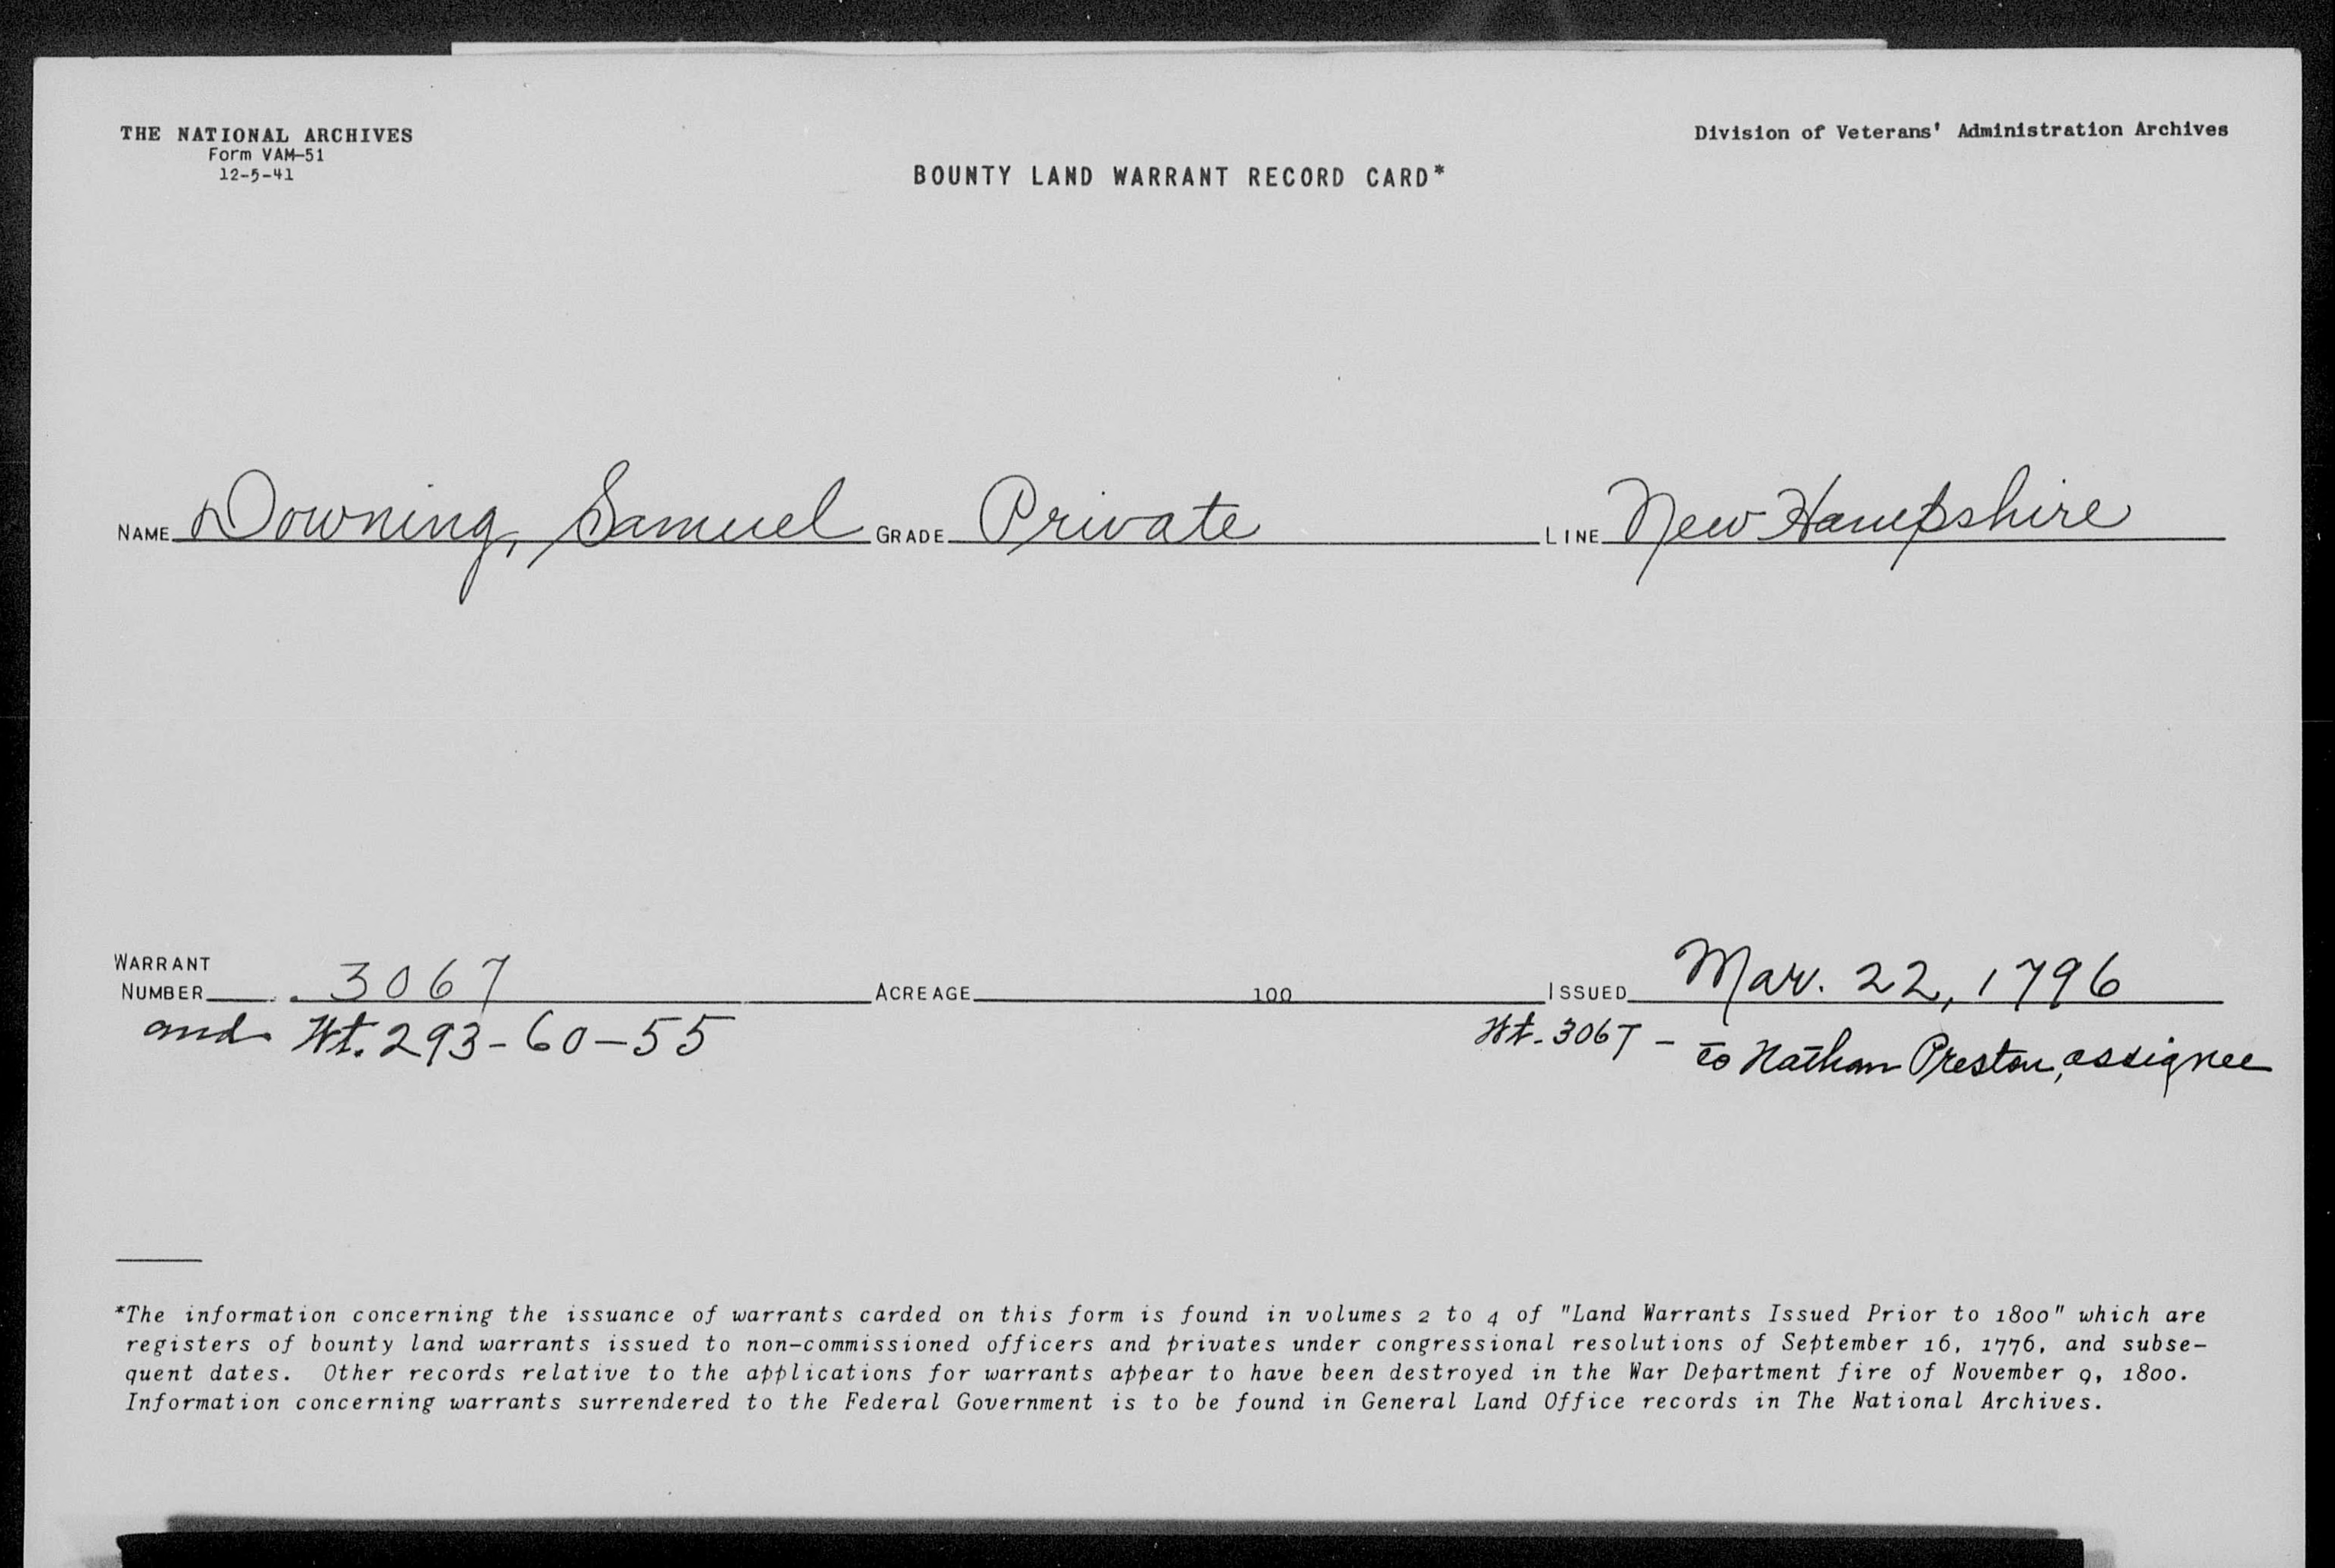THE NATIONAL ARCHIVES 
Form VAM-51
12-5-41 Division of Veteran’s Administration Archives
 BOUNTY LAND WARRANT RECORD CARD*
NAME Downing, Samuel GRADE Private LINE New Hampshire
WARRANT NUMBER 3067 and Wt. 293-60-55 ACREAGE 100 ISSUED March 22, 1796 Wt. 3067 - to Nathan Preston, assignee
*The information concerning the issuance of warrants carded on this form is found in volumes 2 to 4 of “Land Warrant Issued  Prior to 1800” which are registers of bounty land warrants issued to non-commissioned officers and privates under congressional resolutions of September 16, 1776, and subsequent dates. Other records relative to the applications for warrants appear to have been destroyed in the War Department fire of November 9, 1800. Information concerning warrants surrendered to the Federal Government is to be flu in General Land Office records in The National Archives.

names: Nathan Preston, Samuel Downing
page: 11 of 56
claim: survivor's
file: S. 40,055, Samuel Downing, N.H.